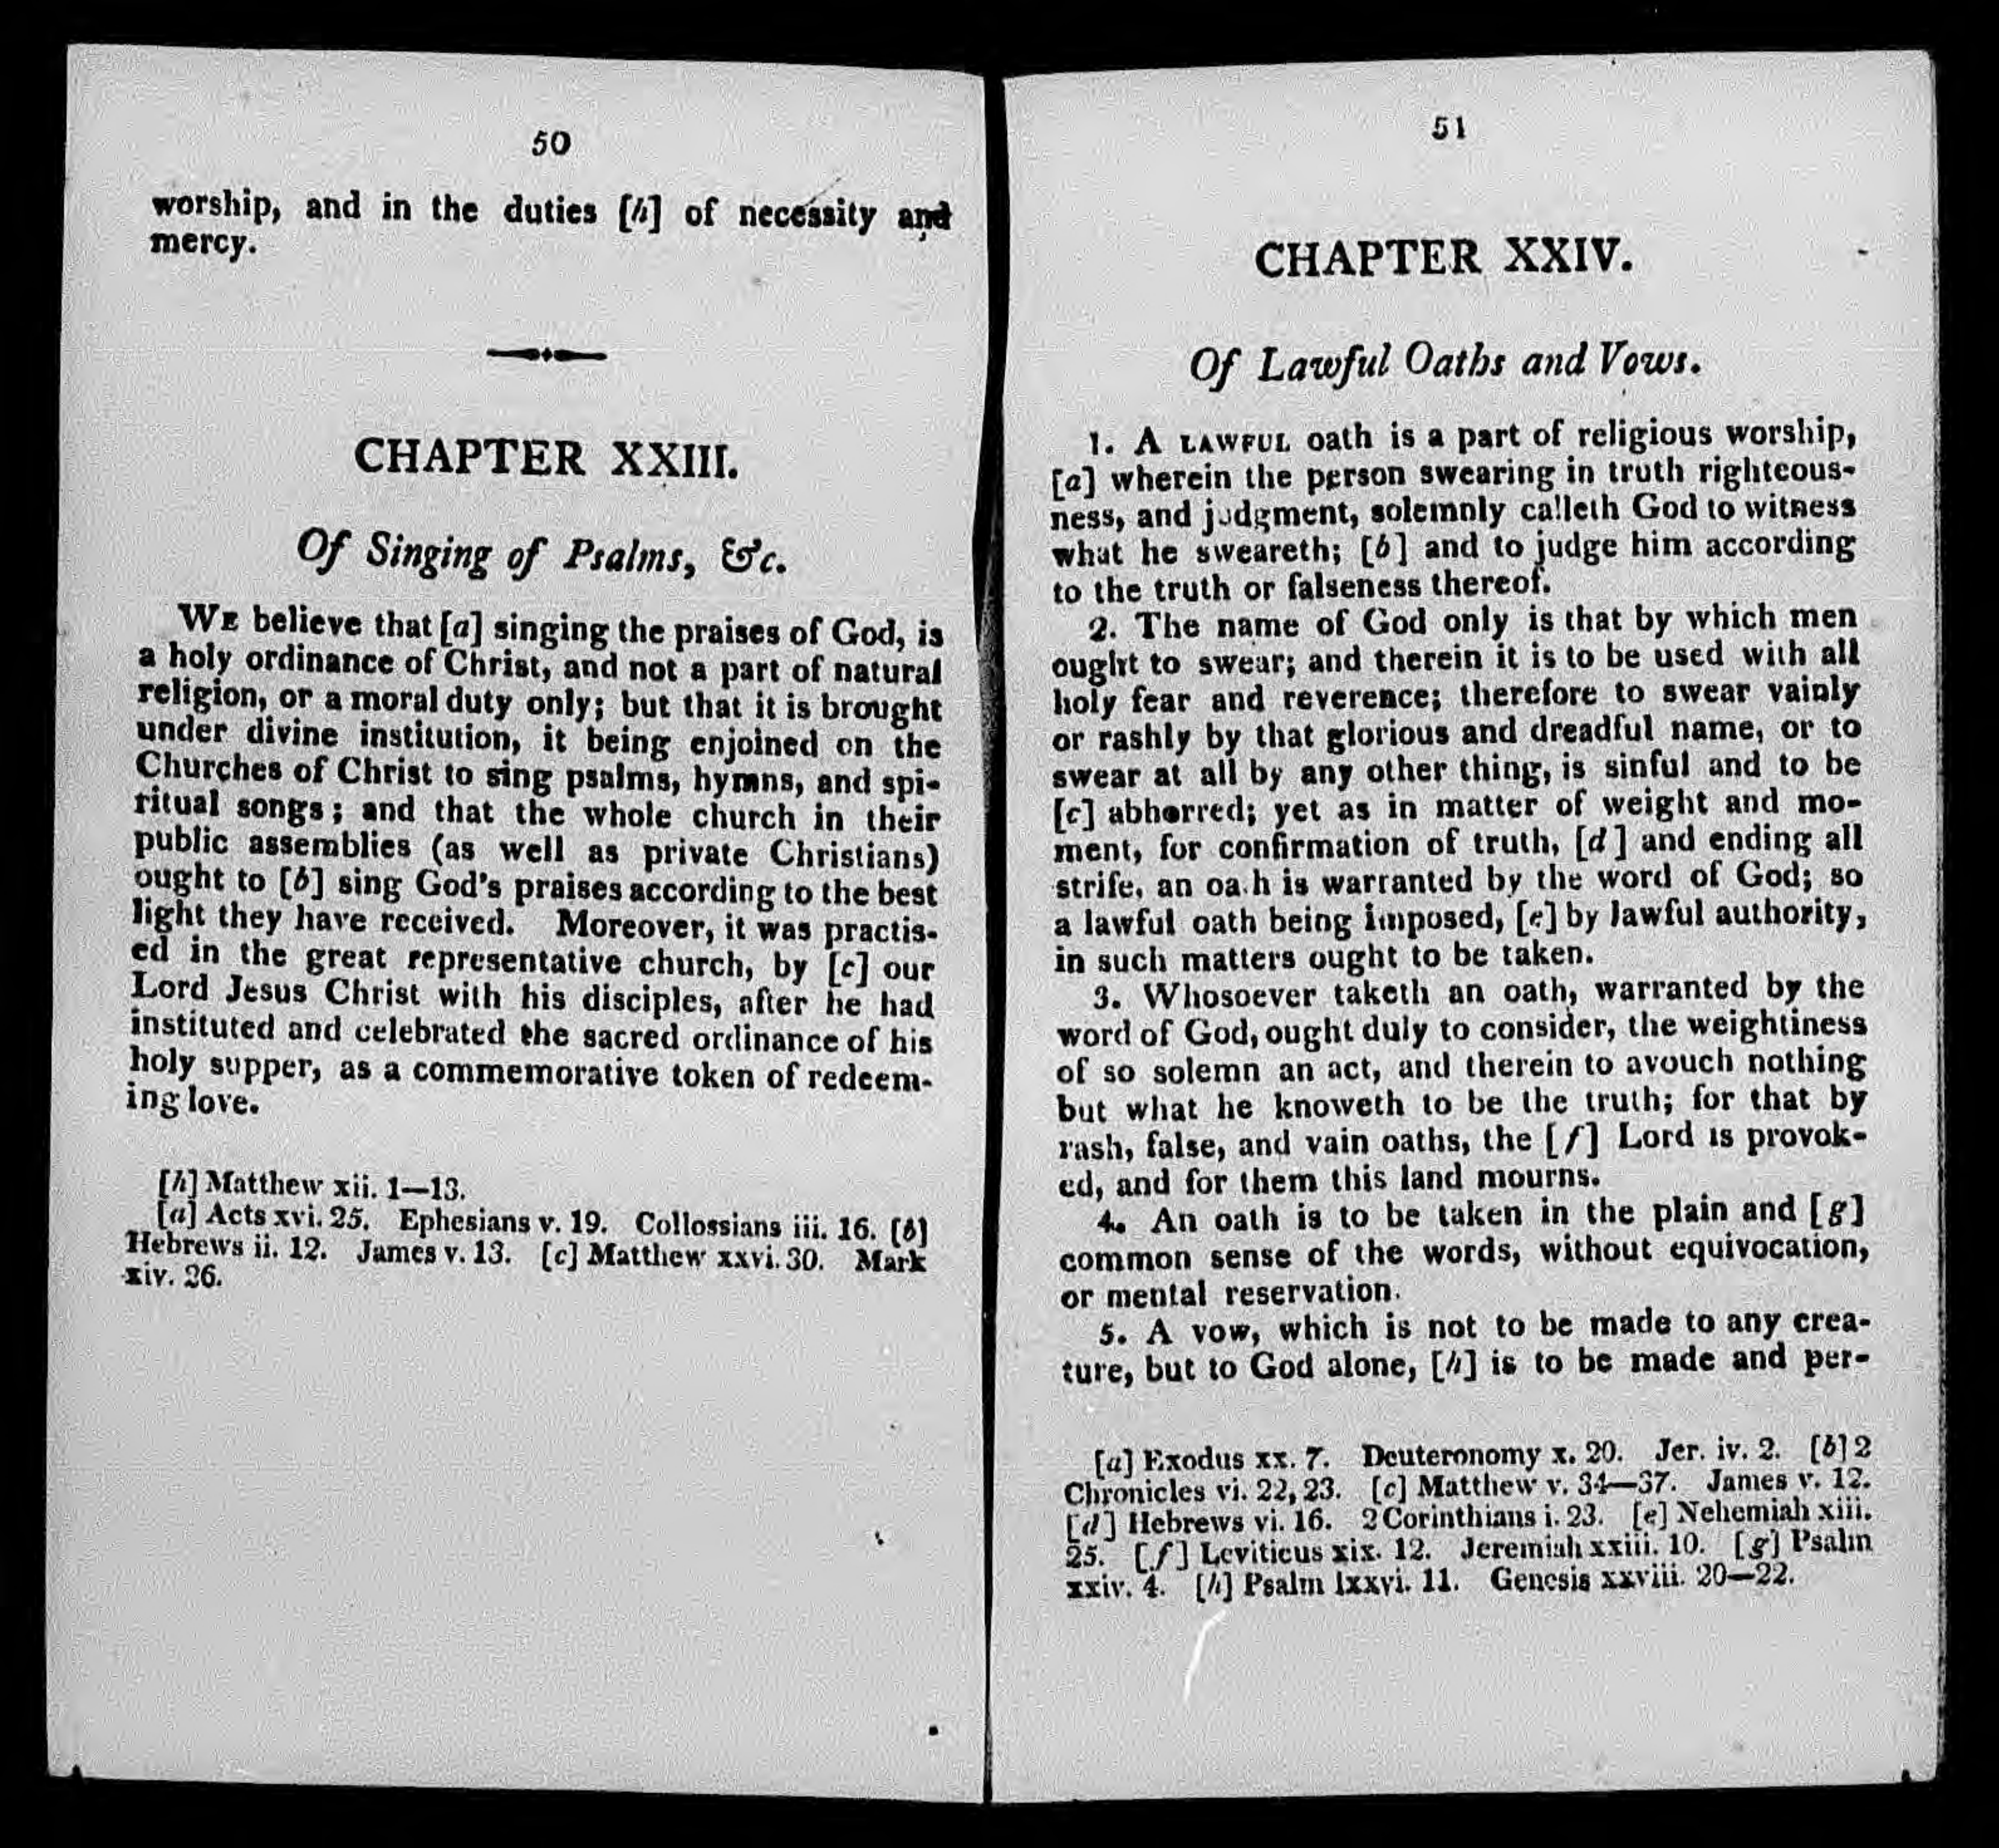50

worship, and in the duties [h] of necessity and mercy.

CHAPTER XXIII.

Of Singing of Psalms, &c.

WE believe that [a] singing the praises of God, is a holy ordinance of Christ, and not a part of natural religion, or a moral duty only; but that it is brought under divine institution, it being enjoined on the Churches of Christ to sing psalms, hymns, and spiritual songs; and that the whole church in their public assemblies (as well as private Christians) ought to [b] sing God's praises according to the best light they have received. Moreover, it was practised in the great representative church, by {c] our Lord Jesus Christ with his disciples, after he had instituted and celebrated the sacred ordinance of his holy supper, as a commemorative token of redeeming love.

[h] Matthew xii. 1-13
[a] Acts xvi. 25. Ephesians v. 19. Collossians iii. 16. [b] Hebrews ii. 12. James v. 13. [c] Matthew xxvi. 30. Mark xiv. 26.

51

CHAPTER XXIV.

Of Lawful Oaths and Vows.

1. A LAWFUL oath is a part of religious worship, [a] wherein the person swearing in truth righteousness, and judgment, solemnly calleth God to witness what he sweareth; [b] and to judge him according to the truth or falseness thereof.
2. The name of God only is that by which men ought to swear; and therein it is to be used with all holy fear and reverence; therefore to swear vainly or rashly by that glorious and dreadful name, or to swear at all by any other thing, is sinful and to be [c] abhorred; yet as in matter of weight and moment, for confirmation of truth, [d] and ending all strife, an oath is warranted by the word of God; so a lawful oath being imposed, [e] by lawful authority, in such matters ought to be taken.
3. Whosoever taketh an oath, warranted by the word of God, ought duly to consider, the weightiness of so solemn an act, and therein to avouch nothing but what he knoweth to be the truth; for that by rash, false, and vain oaths, the [f] Lord is provoked, and for them this land mourns.
4. An oath is to be taken in the plain and [g] common sense of the words, without equivocation, or mental reservation.
5. A vow, which is not to be made to any creature, but to God alone, [h] is to be made and per-

[a] Exodus xx.7. Deuteronomy x. 20. Jer. iv. 2. [b] 2 Chronicles vi. 22, 23. [c] Matthew v. 34 -37. James v. 12. [d] Hebrews vi. 16. 2 Corinthians i. 23. [e] Nehemiah xiii. 25. [f] Leviticus xix. 12. Jeremiah xxiii. 10. [g] Psalm xxiv. 4. [h] Psalm lxxvi. 11. Genesis xxviii. 20-22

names: Jer, Matthew, James, Matthew, Nehemiah, Mark, Matthew, James, Jeremiah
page: 37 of 98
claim: widow's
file: W. 8398, William Broadway, S.C.